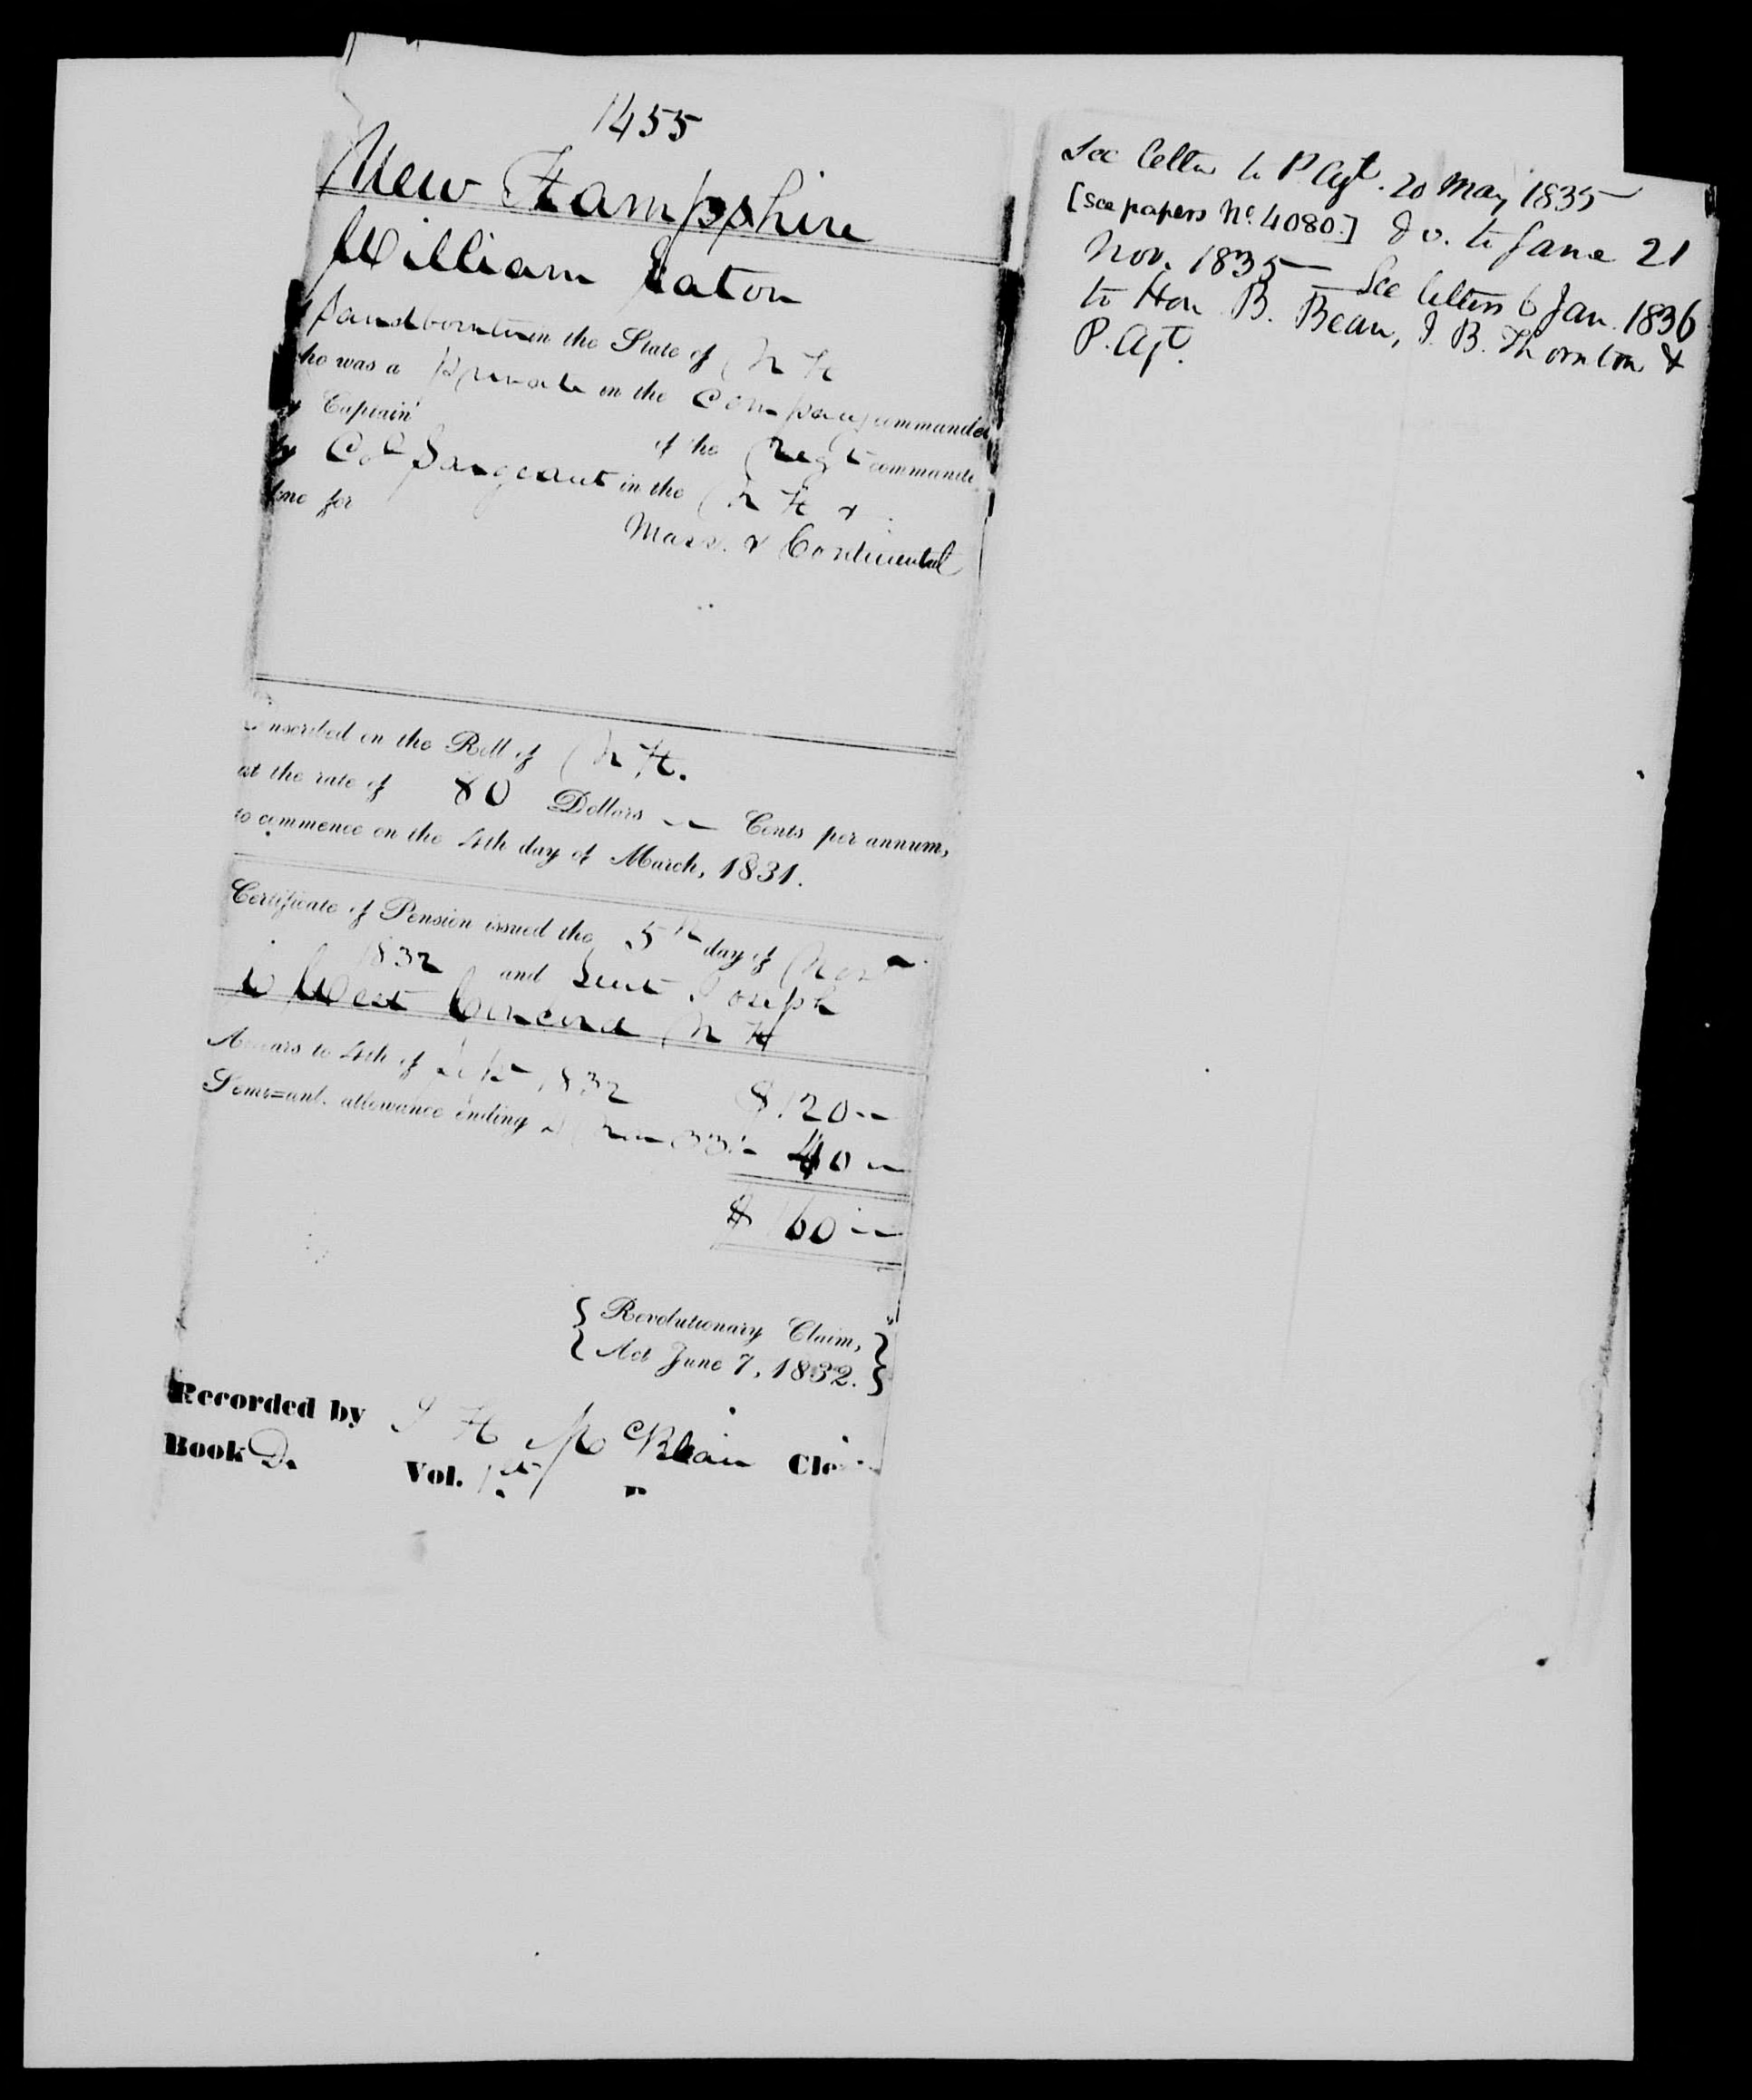1455 
New Hampshire 
William Eaton Sanbornton in the State of NH who was a private in the Company commanded by Captain [blank] of the Regt commanded by Col Sargeant in the NH line for [blank] Mass & Continental 

Inscribed on the Roll of NH at the rate of 80 Dollars - Cents per annum, to commence on the 11th day of March, 1831 

Certificate of Pension issued the 5th day of August 1832 and sent Joseph West Concord NH 

Arrears to the 4th of Sep. 1832 $120
Semi=anl. allowance ending 4 '33 40
====
$60--
====

Revolutionary Claim Act June 7, 1832. 
Recorded by J. H. McBlair Clerk
Book D Vol 1st

See letter to P. Agt. 20 May 1835 [see papers No 4080]do to same 
21 Nov. 1835 see letters 6 Jan 1835 to to Hon B. Bean, J. B. Thomson & P. Agt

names: William Eaton, B Bean, J H Mc Blair, J B Thornton, Joseph C West, Sargeant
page: 6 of 21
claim: survivor's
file: S. 16374, William Eaton, Continental Mass. N.H.